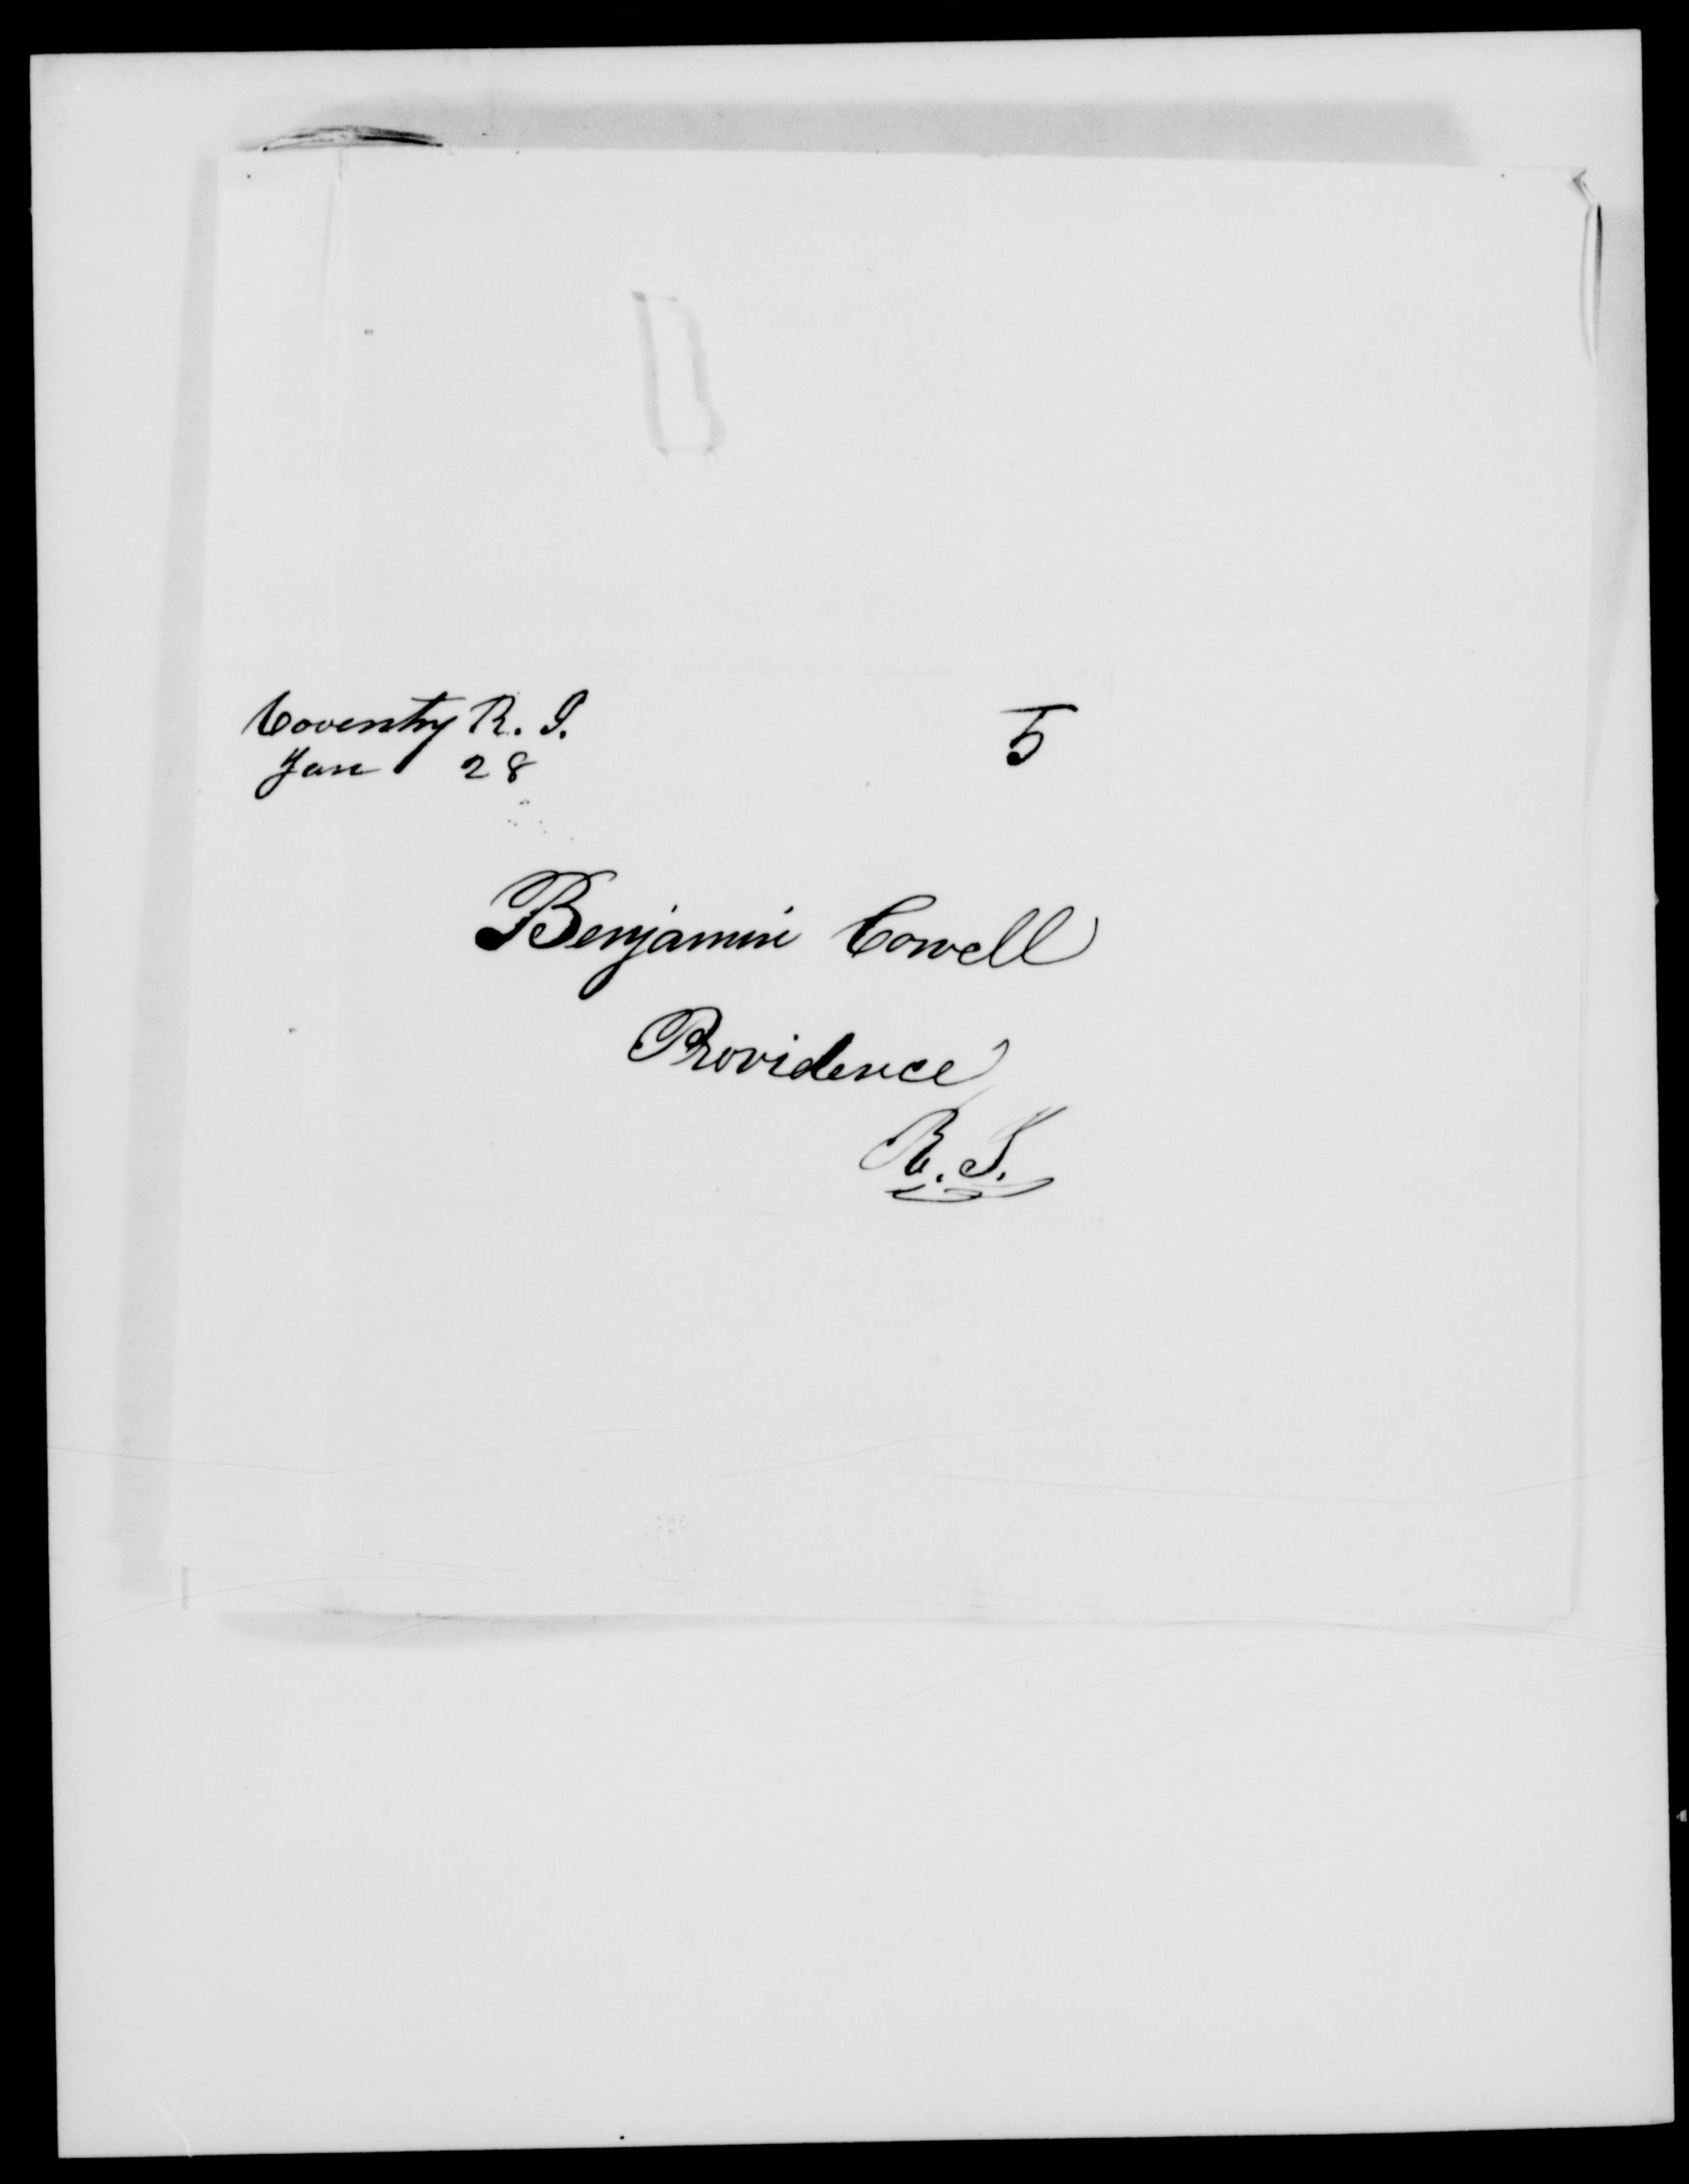Coventry R. I.
Jan 28.                              5

Benjamin Cowell
Providence
R. I.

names: Benjamin Cowell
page: 41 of 53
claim: widow's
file: W 17707, Benjamin Weaver, R.I.